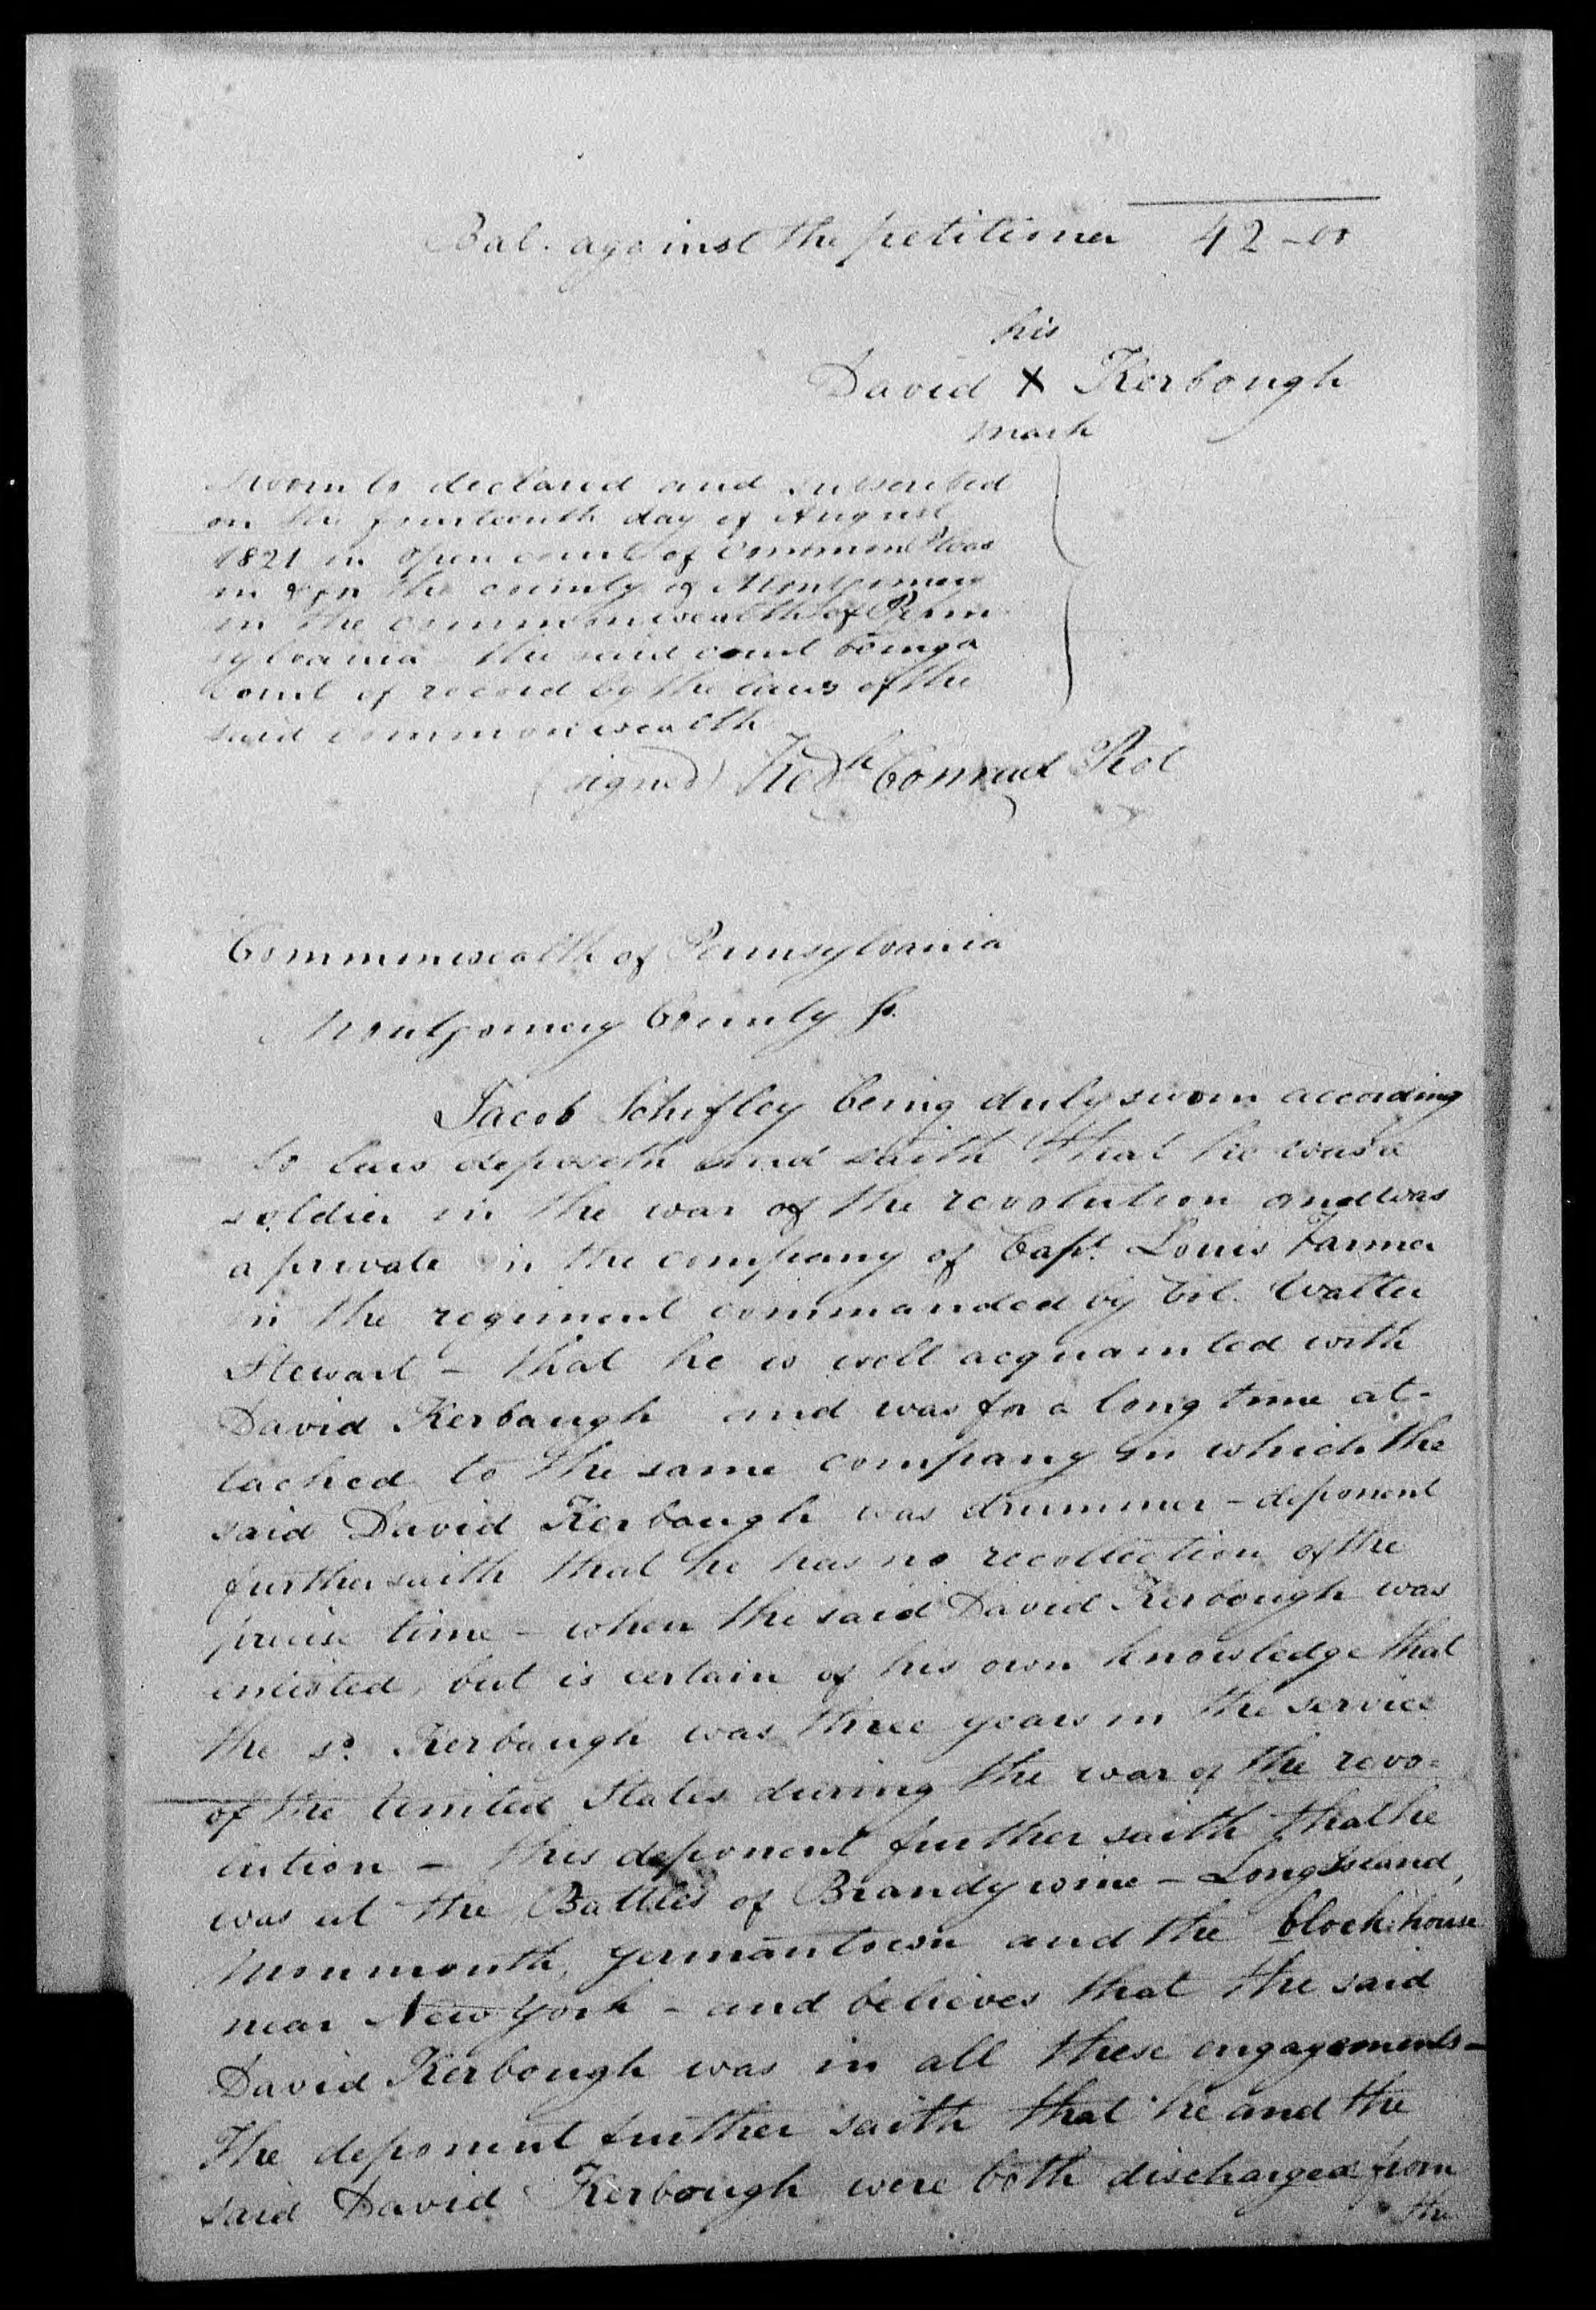Bal. against the petition 42-00
                            David (his mark) Kerbaugh

    Sworn to, declared and subscribed on the fourteenth day of August 1821 in open Court of Common Pleas in & for the county of Montgomery in the Commonwealth of Pennsylvania the said court being a court of record by the court of the said commonwealth. 

                    (signed) Thedr. Conrad Prot.

Commonwealth of Pennsylvania
Montgomery County} ss.

    Jacob Schifley being duly sworn according to law deposeth and saith that he was a soldier in the War of the Revolution and was a private in the company of Capt. Louis Farmer in the regimental commanded by Col. Walter Stewart - that he is well acquainted with David Kerbaugh and was for a long time attached to the same company in which the said David Kerbaugh was drummer - deponent further saith that he has no recollection of the precise time - when the said David Kerbough was enlisted, but is certain of his own knowledge that the said Kerebaugh was three years in the service of the United States during the war of the revolution - this deponent further saith that he was at the Battles of Brandywine - Long Island, Monmouth, Germantown and the blockhouse near New York - and believes that the said David Kerbaugh was in all these engagements.  The deponent further saith that he and the said David Kerbaugh were both discharged from the (next page)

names: Louis Farmer; Walter Stewart; Fredk Conrad; Jacob Schifley; David Kerbough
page: 6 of 13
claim: survivor's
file: S. 39,800, for David Kerbaugh, Pennsylvania